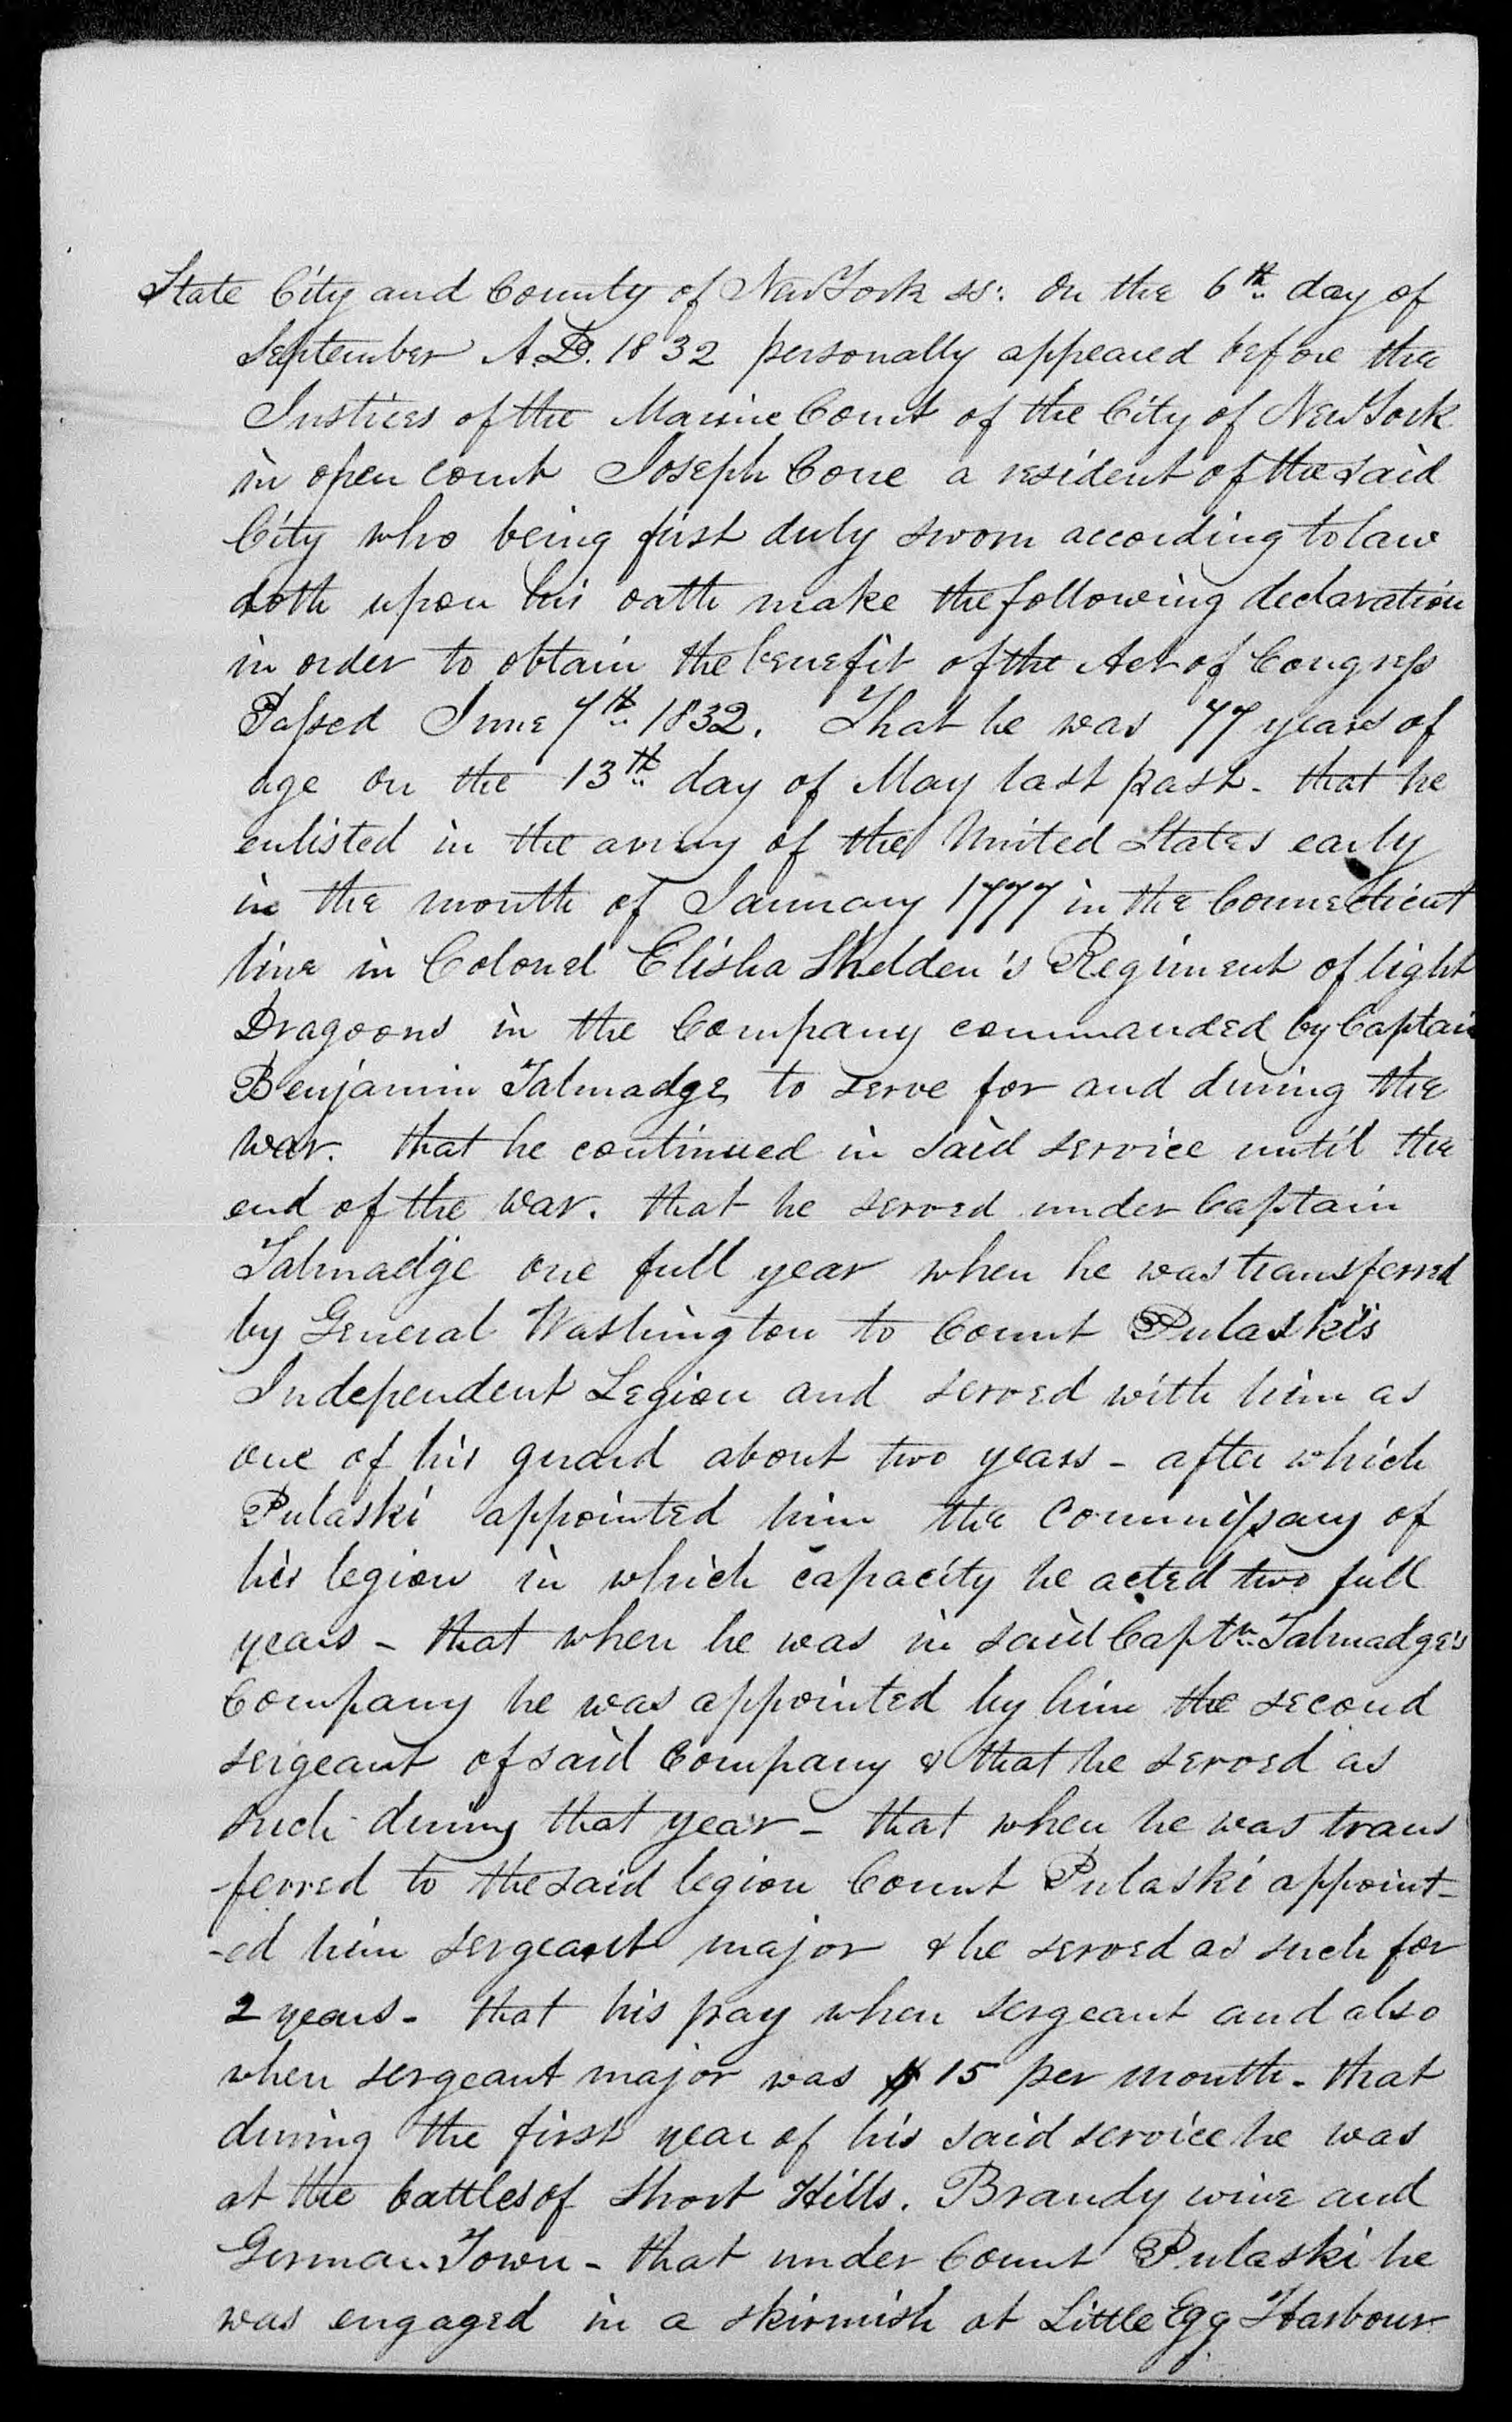State City and County of New York ss: On the 6th day of September A.D. 1832 personally appeared before these Justices of the Marine Court of the City of New York in open court Joseph Cone a resident of the said City who being first duly sworn according to law doth upon his oath make the following declaration in order to obtain the benefit of the Act of Congress Passed June 7th 1832. That he was 77 years of age on the 13th day of May last past. that he enlisted in the army of the United States early in the month of January 1777 in the Connecticut line in Colonel Elisha Sheldon's Regiment of light Dragoons in the Company commanded by Captain Benjamin Talmadge to serve for and during the war. that he continued in said service until the end of the war. that he served under Captain Talmadge one full year when he was transferred by General Washington to Count Pulaski's Independent Legion and served with him as one of his guard about two years - after which Pulaski appointed him the Commissary of his legion in which capacity he acted two full years - that when he was in said Captn. Talmadge's Company he was appointed by him the second sergeant of said company & that he served as such during that year - that when he was transferred to the said legion Count Pulaski appointed him sergeant major & he served as such for 2 years. that his pay when sergeant and also when sergeant major was $15 per month. that during the first year of his said service he was at the battles of Short Hills, Brandy wine and German Town - that under Count Pulaski he was engaged in a skirmish at Little Egg Harbour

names: Benjamin Talmadge, Joseph Cone, Talmadge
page: 5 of 28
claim: survivor's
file: S. 12569, Joseph Cone, Conn Continental